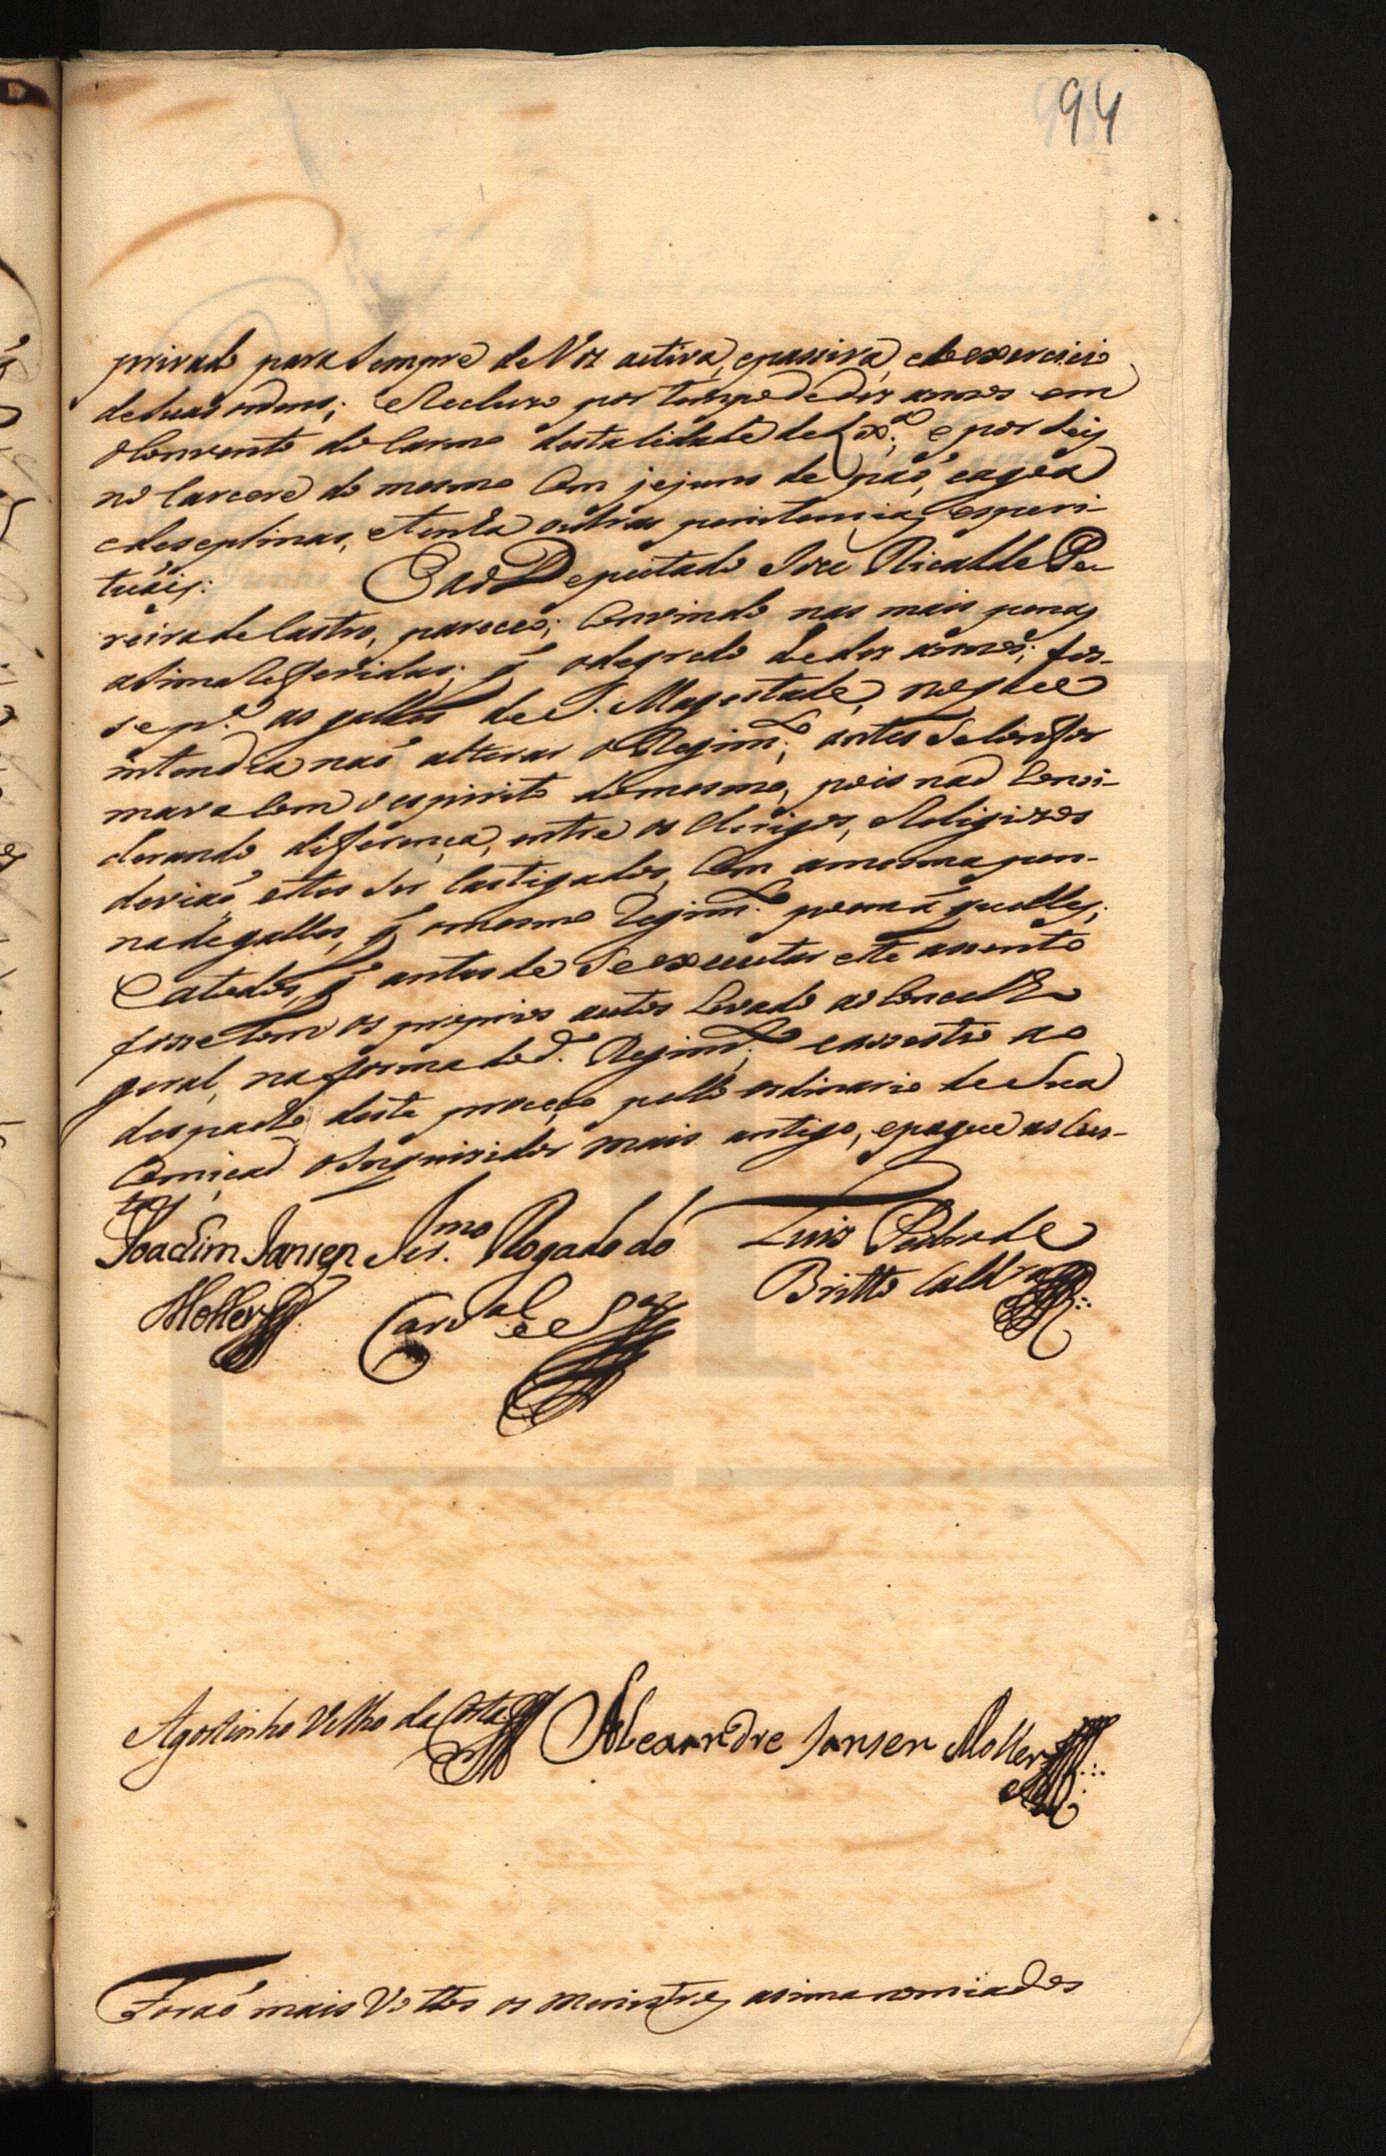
privado para Sempre de Voz activa, e passiva, e de exercicio
de Suas ordens; e Recluzo por tempo de dez annos em
o Convento do Carmo desta Cidade de Lix;a e por seis
no Carcere do mesmo Com jejuns de paõ, e agoa
e deseplinas, e tenha outras penitensias esperi
tuáis:
E ao Deputado Ioze Ricalle Pe
reira de Castro, pareceo; Convindo nas mais penas
asima Referidas; q̄ o degredo de dez annos; fos
se p.a as galles de S. Magestade, no que
intendia naõ alterar o Regimto; antes se Confor
mava Com o espirito do mesmo, pois naõ Consi
derando diferença, entre os Clerigos, e Religiozos
deviaõ estes ser Castigados, Com a mesma pen
na de galles, que o mesmo Regim.to poem áquelles;
E a todos, q̄ antes de se executar este assento
fosse Com os proprios autos Levado ao Concelho
geral, na forma do d.o Regim.to; e assestio ao
despacho deste proceço pello ordinario de Sua
Comiçaõ o Inquizidor mais antigo, e pague as Cus
tas
Ioachim Iansen
Moller
Ier.mo Rogado do
Carval e Sa
Luiz Pedro de
Britto Caldra
Agostinho Velho da Costa
Alexandre Janser Moller
Foraõ mais Vottos os Menistros asima nomiados
